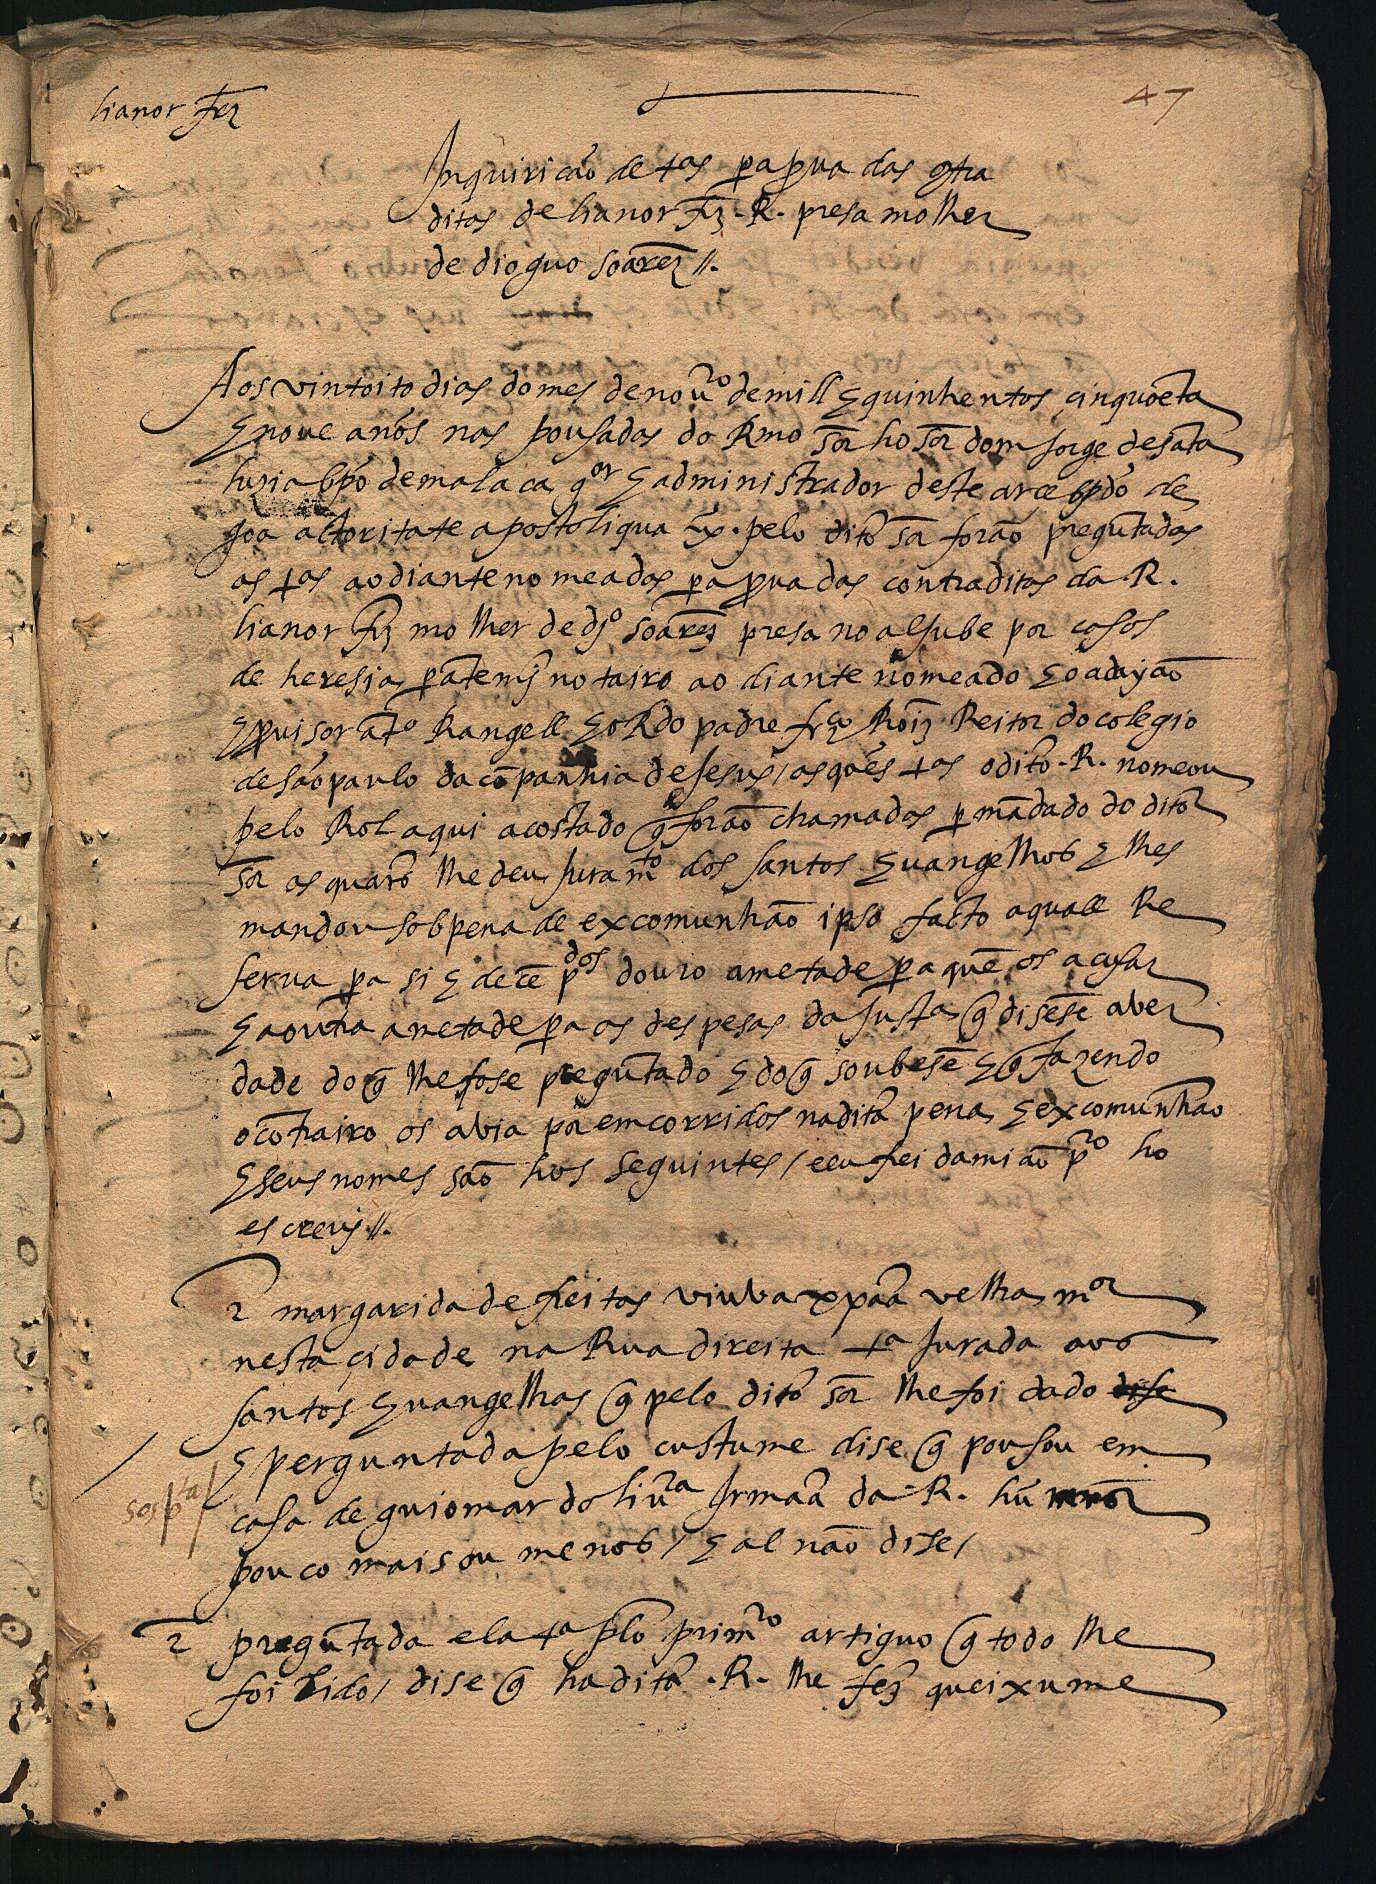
lianor f̄rz
Jnquiricão de tas ꝑ ꝓua das ꝯtra
ditas de lianor f̄rz .R. presa molher
de dioguo soar̄ez //.
Aos vintoito dias do mes de nouro de mill E quinhentos çinquoēta
E noue anōs nas pousadas do Rmo s̄or ho s̄or dom Jorge de sāta
luzia bpō de malaca gor E administrador deste arçebpdō de
goa actoritate apostoliqua c̄ꝭ. pelo ditō s̄or forão pregūtadas
as tas ao diante nomeadas ꝑa ꝓua das contraditas da .R.
lianor f̄rz molher de djo soar̄ez presa no alJube por casos
de heresia ꝑāte mj̄ notairo ao diante nomeado E o adayão
E ꝓuisor āto Rangell E o Rdo padre frço Roīz Reitor do colegio
de São paulo da cōpanhia de Jesus / as qaēs tas o ditō .R. nomeou
pelo Rol aqui acostado q̄ forão chamadas ꝑ mādado do ditō
S̄or as quaēs lhe deu Juramto dos Santos Euangelhos E lhes
mandou sob pena de excomunhão ipso facto a quall Re
serua ꝑa si E de c̄e pdos douro ametade ꝑa quē os acusar
E a outra ametade ꝑa as despesas da Justa q̄ disēse a ver
dade do q̄ lhe fose pregūtado E do q̄ soubesē E q̄ fazendo
o c̄otrairo os avia por emcorridos na ditā pena E excomunhão
E seus nomes são hos seguintes / e eu frei damião pro ho
escreuj.//.
item margarida de freitas viuva xpāa velha mor
nesta çidade na Rua direita ta Jurada aos
Santos Euangelhos q̄ pelo ditō s̄or lhe foi dado dise
E perguntada pelo custume dise q̄ pousou em
casa de guiomar doliura Jrmaā da .R. hū mes
pouco mais ou menos / E al não dise /
item pregūtada ela ta pl̄o primro artiguo q̄ todo lhe
foi lido / dise q̄ ha ditā .R. lhe fez̄ queixume
